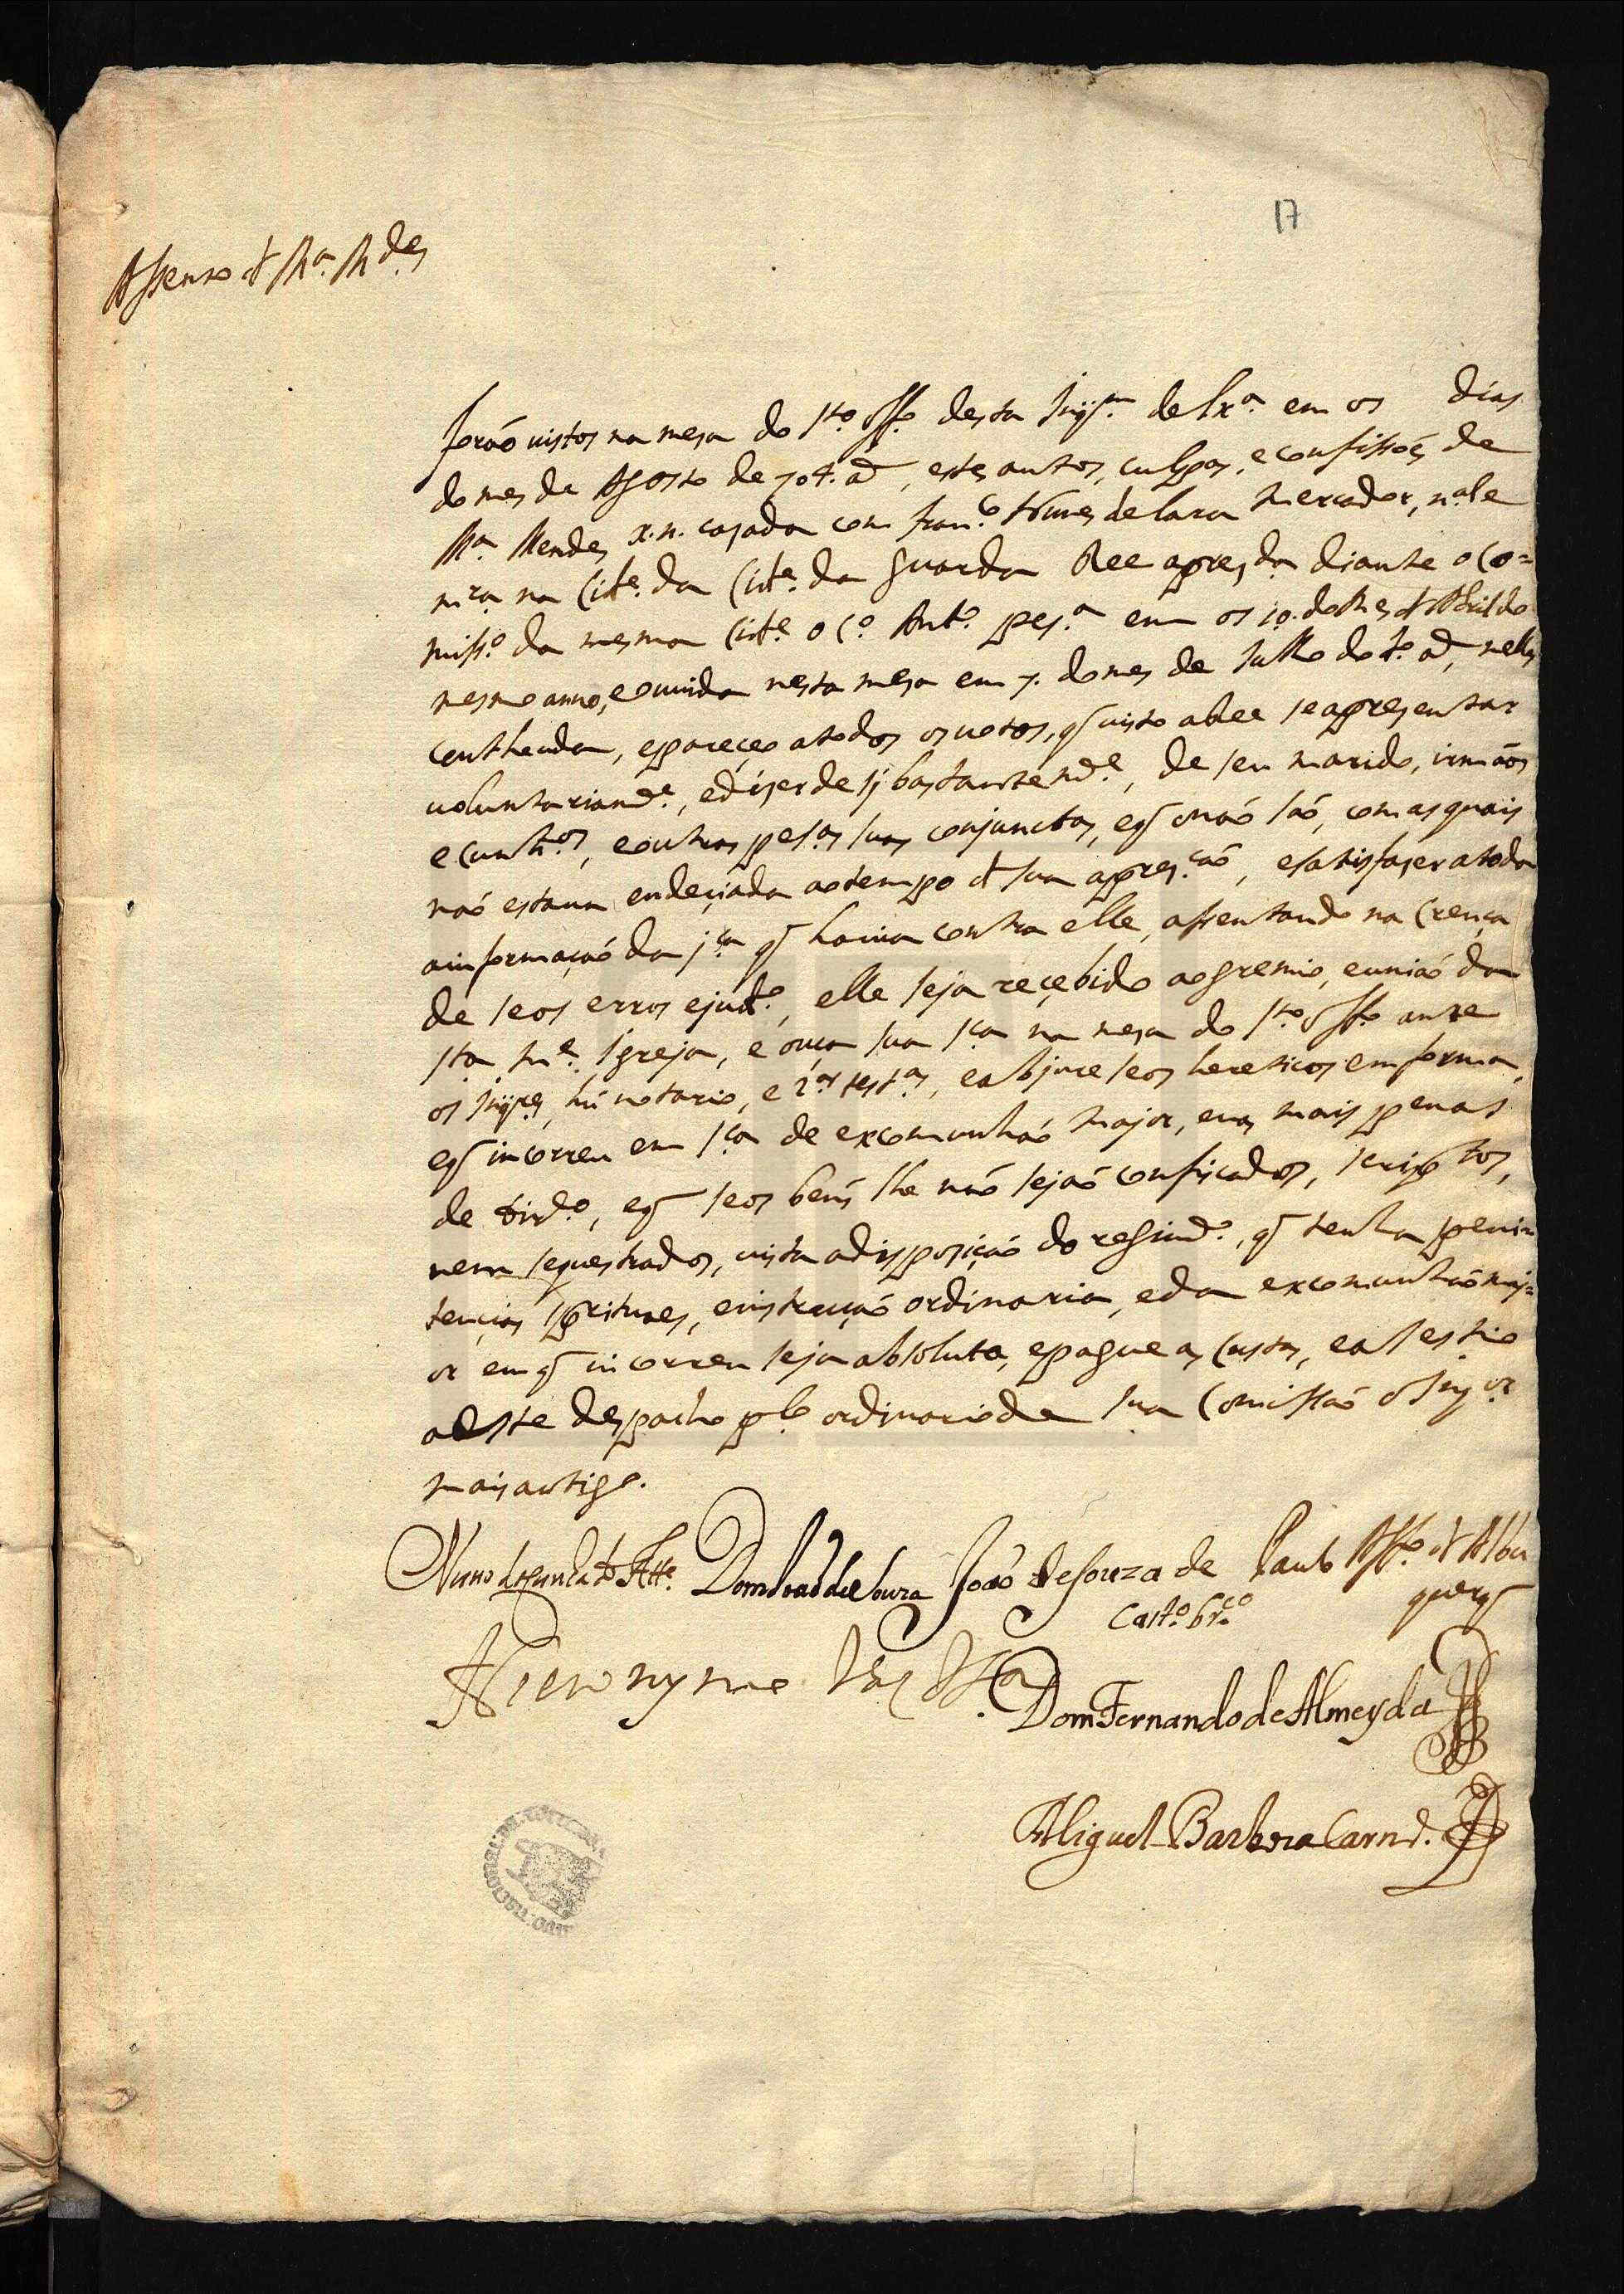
Assento d̄ M.a M.des
foraõ uistos na mesa do s.to off.o desta Inq.m de lx.a em os dias
do mes de Agosto de 704. ā , este autos, culpas e confissoẽs de
Ma. Mende x. n. cazada com fran.co Nunes de lara mercador, n.al e
mra na Cide. da Cide. da Guarda Ree aprez.da diante o Co
miss.o da mesma Cid.e o C.o Ant.o pes.a em os 10. do Mes de Abril do
mesmo anno, e ouuida nesta meza em 7. do mes de Iulho do d.o ā nelles
contheuda, e pareceo a todos os uotos, q̄ uisto a Ree se aprezentar
uoluntariam.te, e dizer de sj bastantem.te, de seu marido, irmaõs
e Cunh.os, e outras pes.as suas conjunctas, e q̄ o naõ saõ, com as quais
naõ estaua endeciada ao tempo d̄ sua aprez.çaõ, e satisfazer a toda
a informaçaõ da j.ça q̄ hauia contra elle, assentando na Crença
de seos erros e jud̄.o elle seja recebido ao gremio, e uniaõ da
st.a me. Igreja, e ouça sua s.ça na mesa do sto off.o ante
os Inq.res, hū notario, e 2.as test.as, e abjure seos hereticos em forma
e q̄ incorreu em s.ça de excomunhaõ major, e nas mais penas
de Dir.to, e q̄ seos bens̄ lhe naõ sejaõ confiscados, scriptos,
nem sequestrados, uista a dispoziçaõ do regim.to, q̄ tenha peni
tencias sprituaes, e instruçaõ ordinaria, e da excomunhaõ may
or em q̄ incorreu seja absoluta, e pague as Custas, e asestio
a este despacho p.lo ordinario de sua Comissaõ o Inq.or
mais antigo.
Nuno da Cunha d̄ Att.e
Dom Ioaõ de Souza
Joaõ de Souza de
Cast.o br.co
Paulo Aff.o de Albu
querq̄
Hieronymo Vas
Dom Fernando de Almeyda
Miguel Barboza Carnr.o
